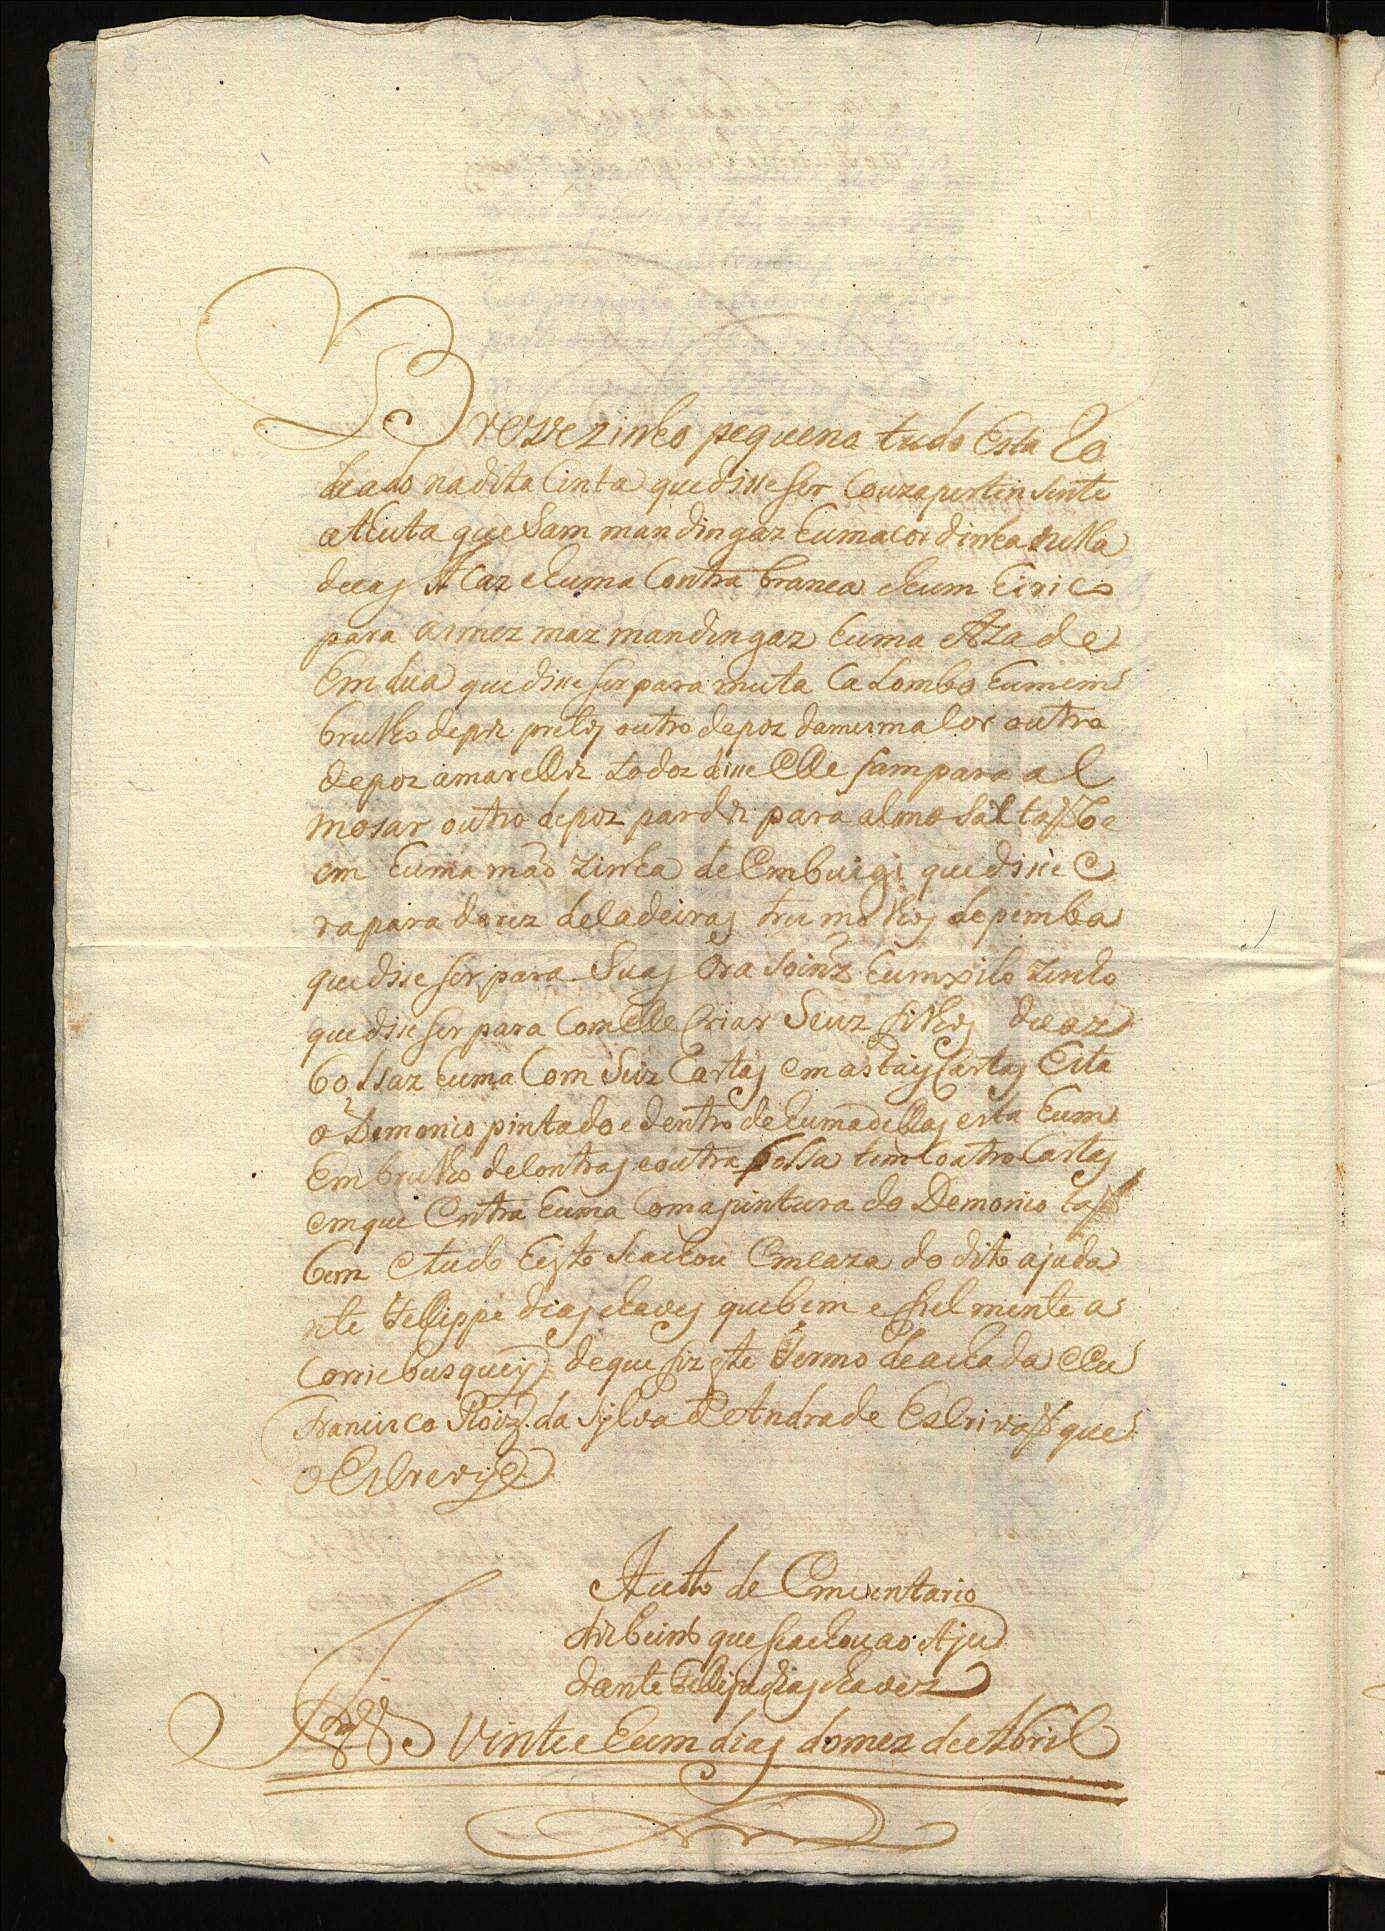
Brevezinho pequeno tudo Esta Ro
deado na dita Cinta que disse ser couza pertensente
a thuta que Sam mandingas huma cordinha nella
duas Acaz e huma Contra branca e hum hirico
para as mezmaz mandingaz huma Aza de
Emdua que disse ser para muta CaLombo hum em
brulho de poz pretos outro de poz da mesma Cor outro
de poz amarelloz todoz disse Elle sam para al
mosar outro de poz pardos para almosar taõbe
em huma maõ tinha de Embuigi que disse E
ra para dorez de Cadeiras tres molhos de pemba
que dise ser para Suas Orasoin̄z hum xilozinho
que dise ser para Com Elle Criar Seuz filhos duaz
bolsaz huma Com Seiz Cartas em as tais Cartas Esta
o Demonio pintado e dentro de huma dellas esta hum
Embrulho de contras e outra bolsa tem Coatro Cartas
em que Entra huma Com a pintura do Demonio taõ
bem e tudo histo se achou Em caza do dito ajuda
nte Fellippe dias chaves que bem e fielmente a
Corri busquey de que fiz este Termo de achada e eu
Francisco Roiz̄ da Sylva d̄ Andrade EsCrivaõ que
o EsCrevy
Autto de Emventario
dos beins que se achou ao Aju
dante Fellipe dias chavez
AOS vinte e hum dias do mez de Abril
